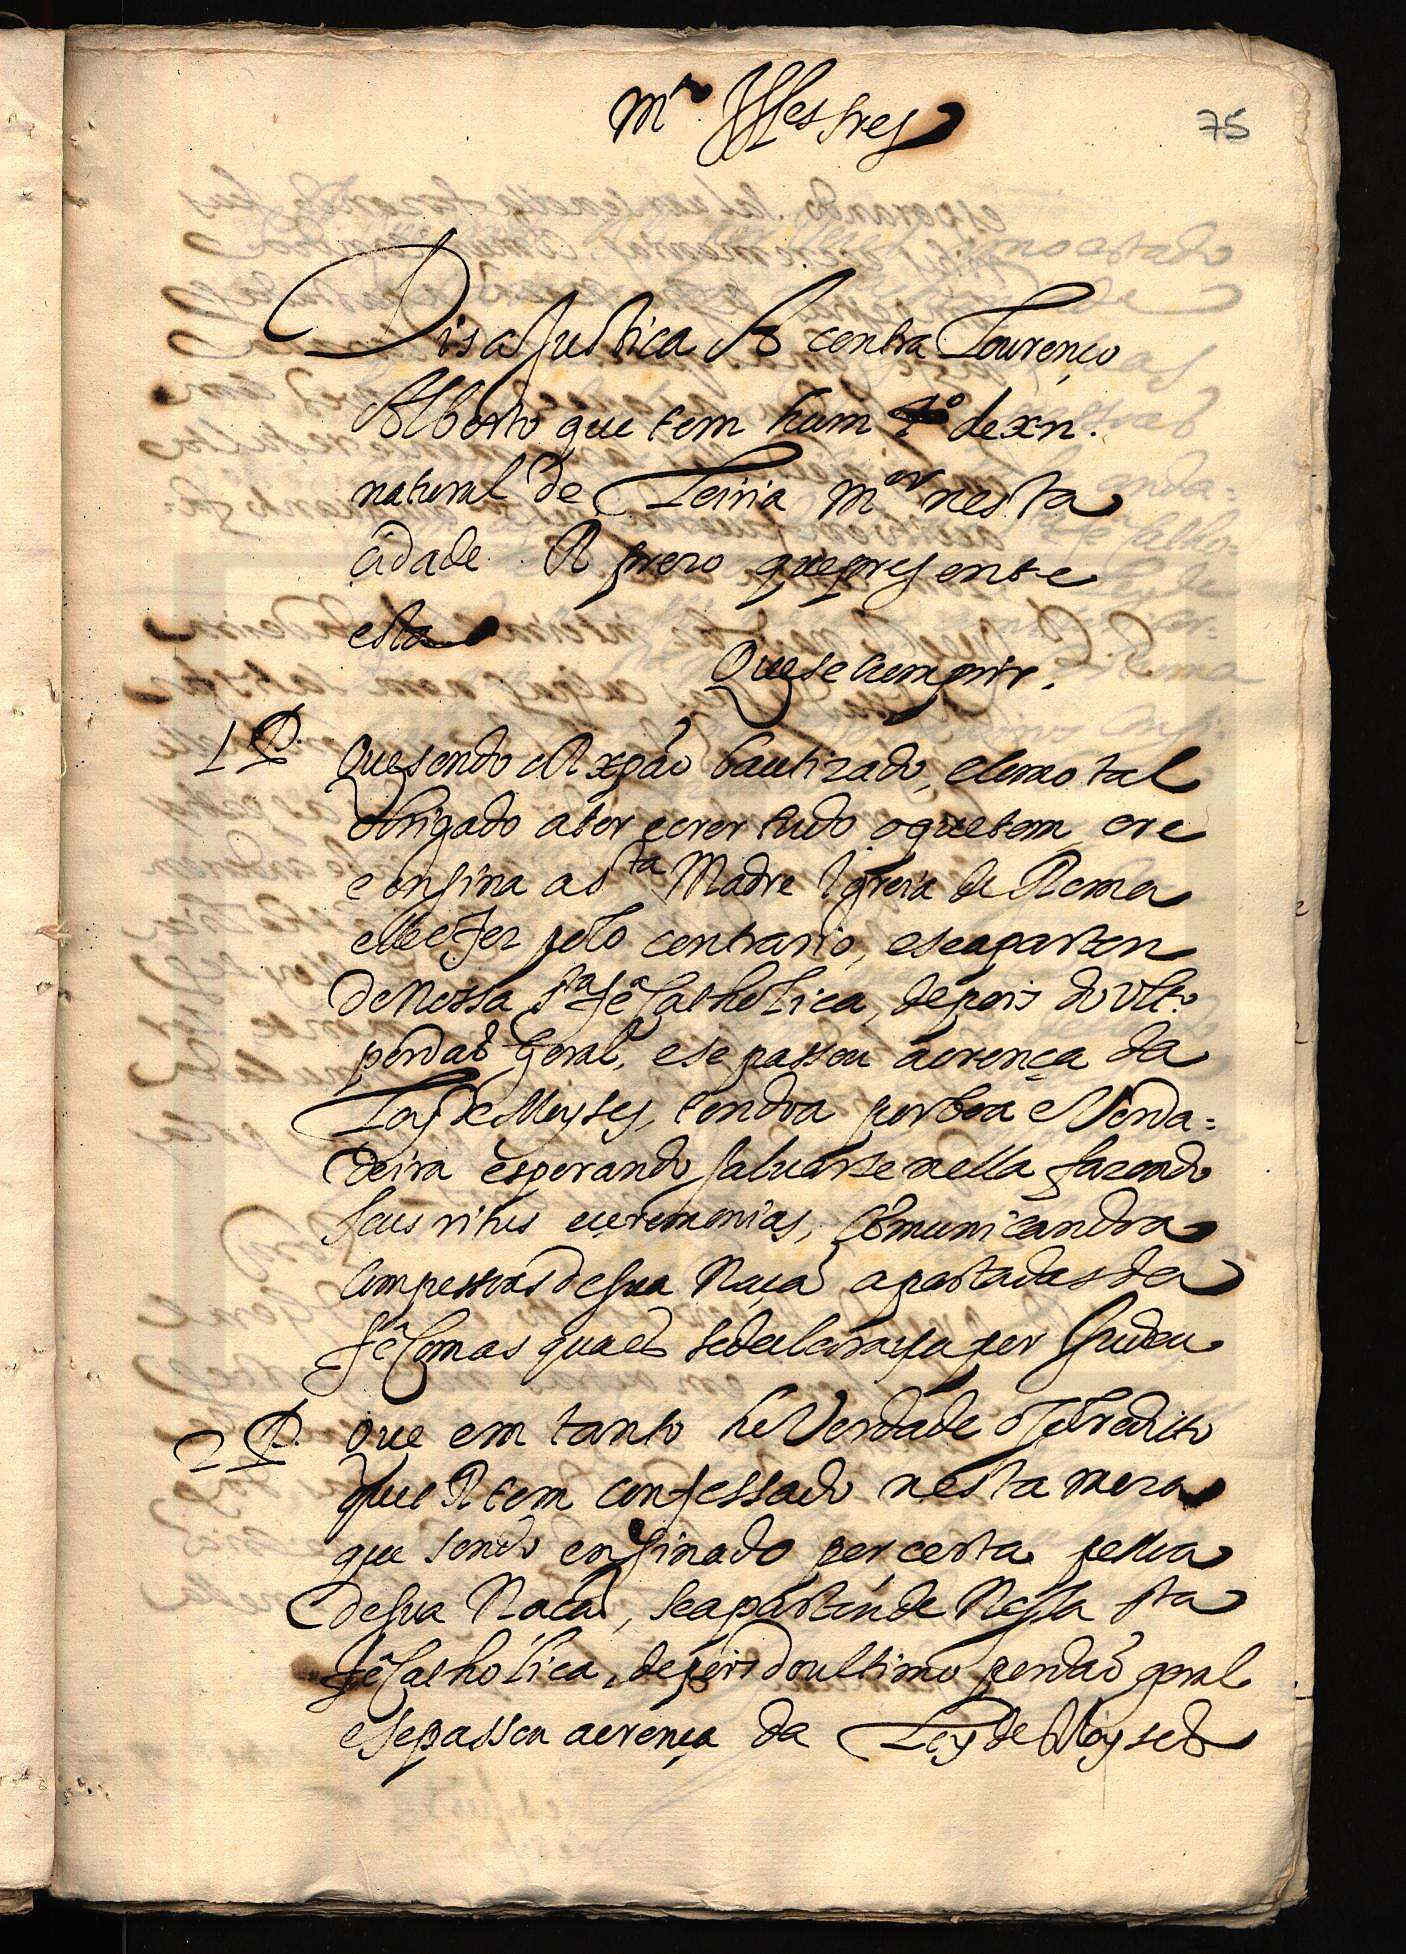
mto Jlles sres
Dis a Justica A contra Lourenço
Alberto que tem hum 4º de x.n.
natural de Leiria mor nesta
cidade R prezo que presente
esta
Que se cumprir
1 P. Que sendo o R xpão bautizado, e como tal
obrigado a ter e crer tudo o que tem, cre
e ensina a sta Madre Igreia de Roma
elle o fez pelo contrario, e se apartou
de nossa sta fêe Catholica, depois do vlt.o
perdaõ Geral, e se passou a crença da
Ley de Moyses, tendoa por boa e Verda
deira esperando saluarse nella fazendo
seus ritus e çeremonias, cōmunicandoa
com pessoas de sua Naçaõ apartadas da
fê Com as quaes se declaraua per Judeu
2 P Que em tanto he Verdade o sobredito
que o R tem confessado nesta meza
que sendo ensinado per çerta pessoa
de sua Naçaõ, se apartou de Nossa sta
fê Catholica, depois do ultimo perdaõ geral
e se passou a crença da Ley de Moyses
